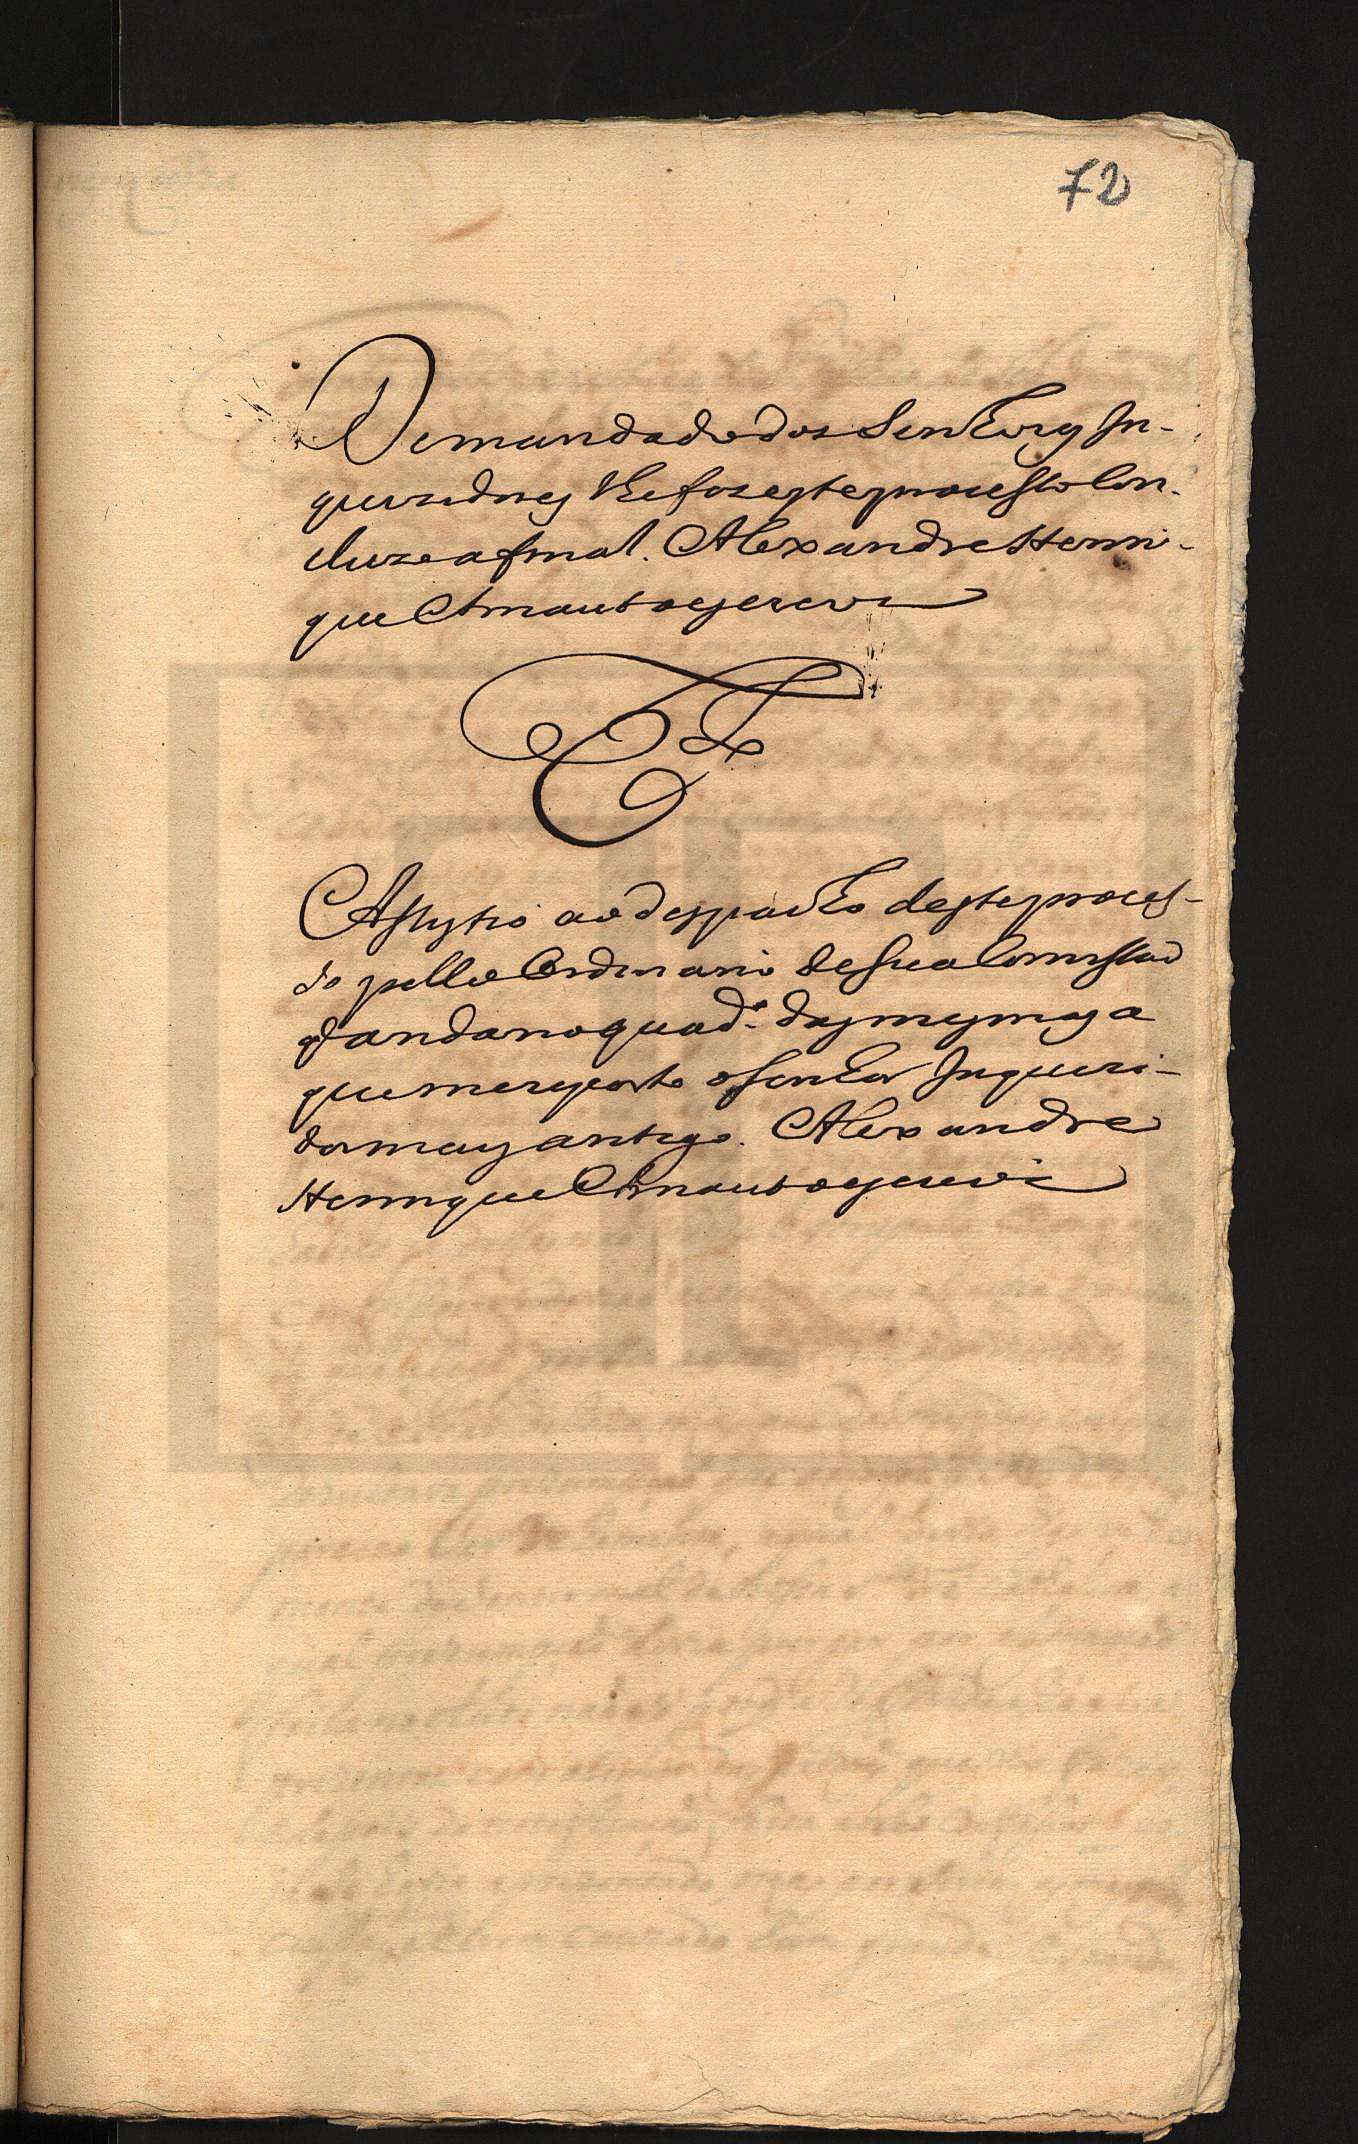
De mandado dos Senhores Jn
quizidores lhe foi este processo con
cluzo afinal. Alexandre Henri
que Arnaut o escrevi
CLo
Assistio ao despacho deste proces
so pello Ordinario de sua comissaõ
q̄ anda no quad.o das mesmas a
que me reporto o senhor Jnquizi
do mais antigo. Alexandre
Henrique Arnaut o escrevi
